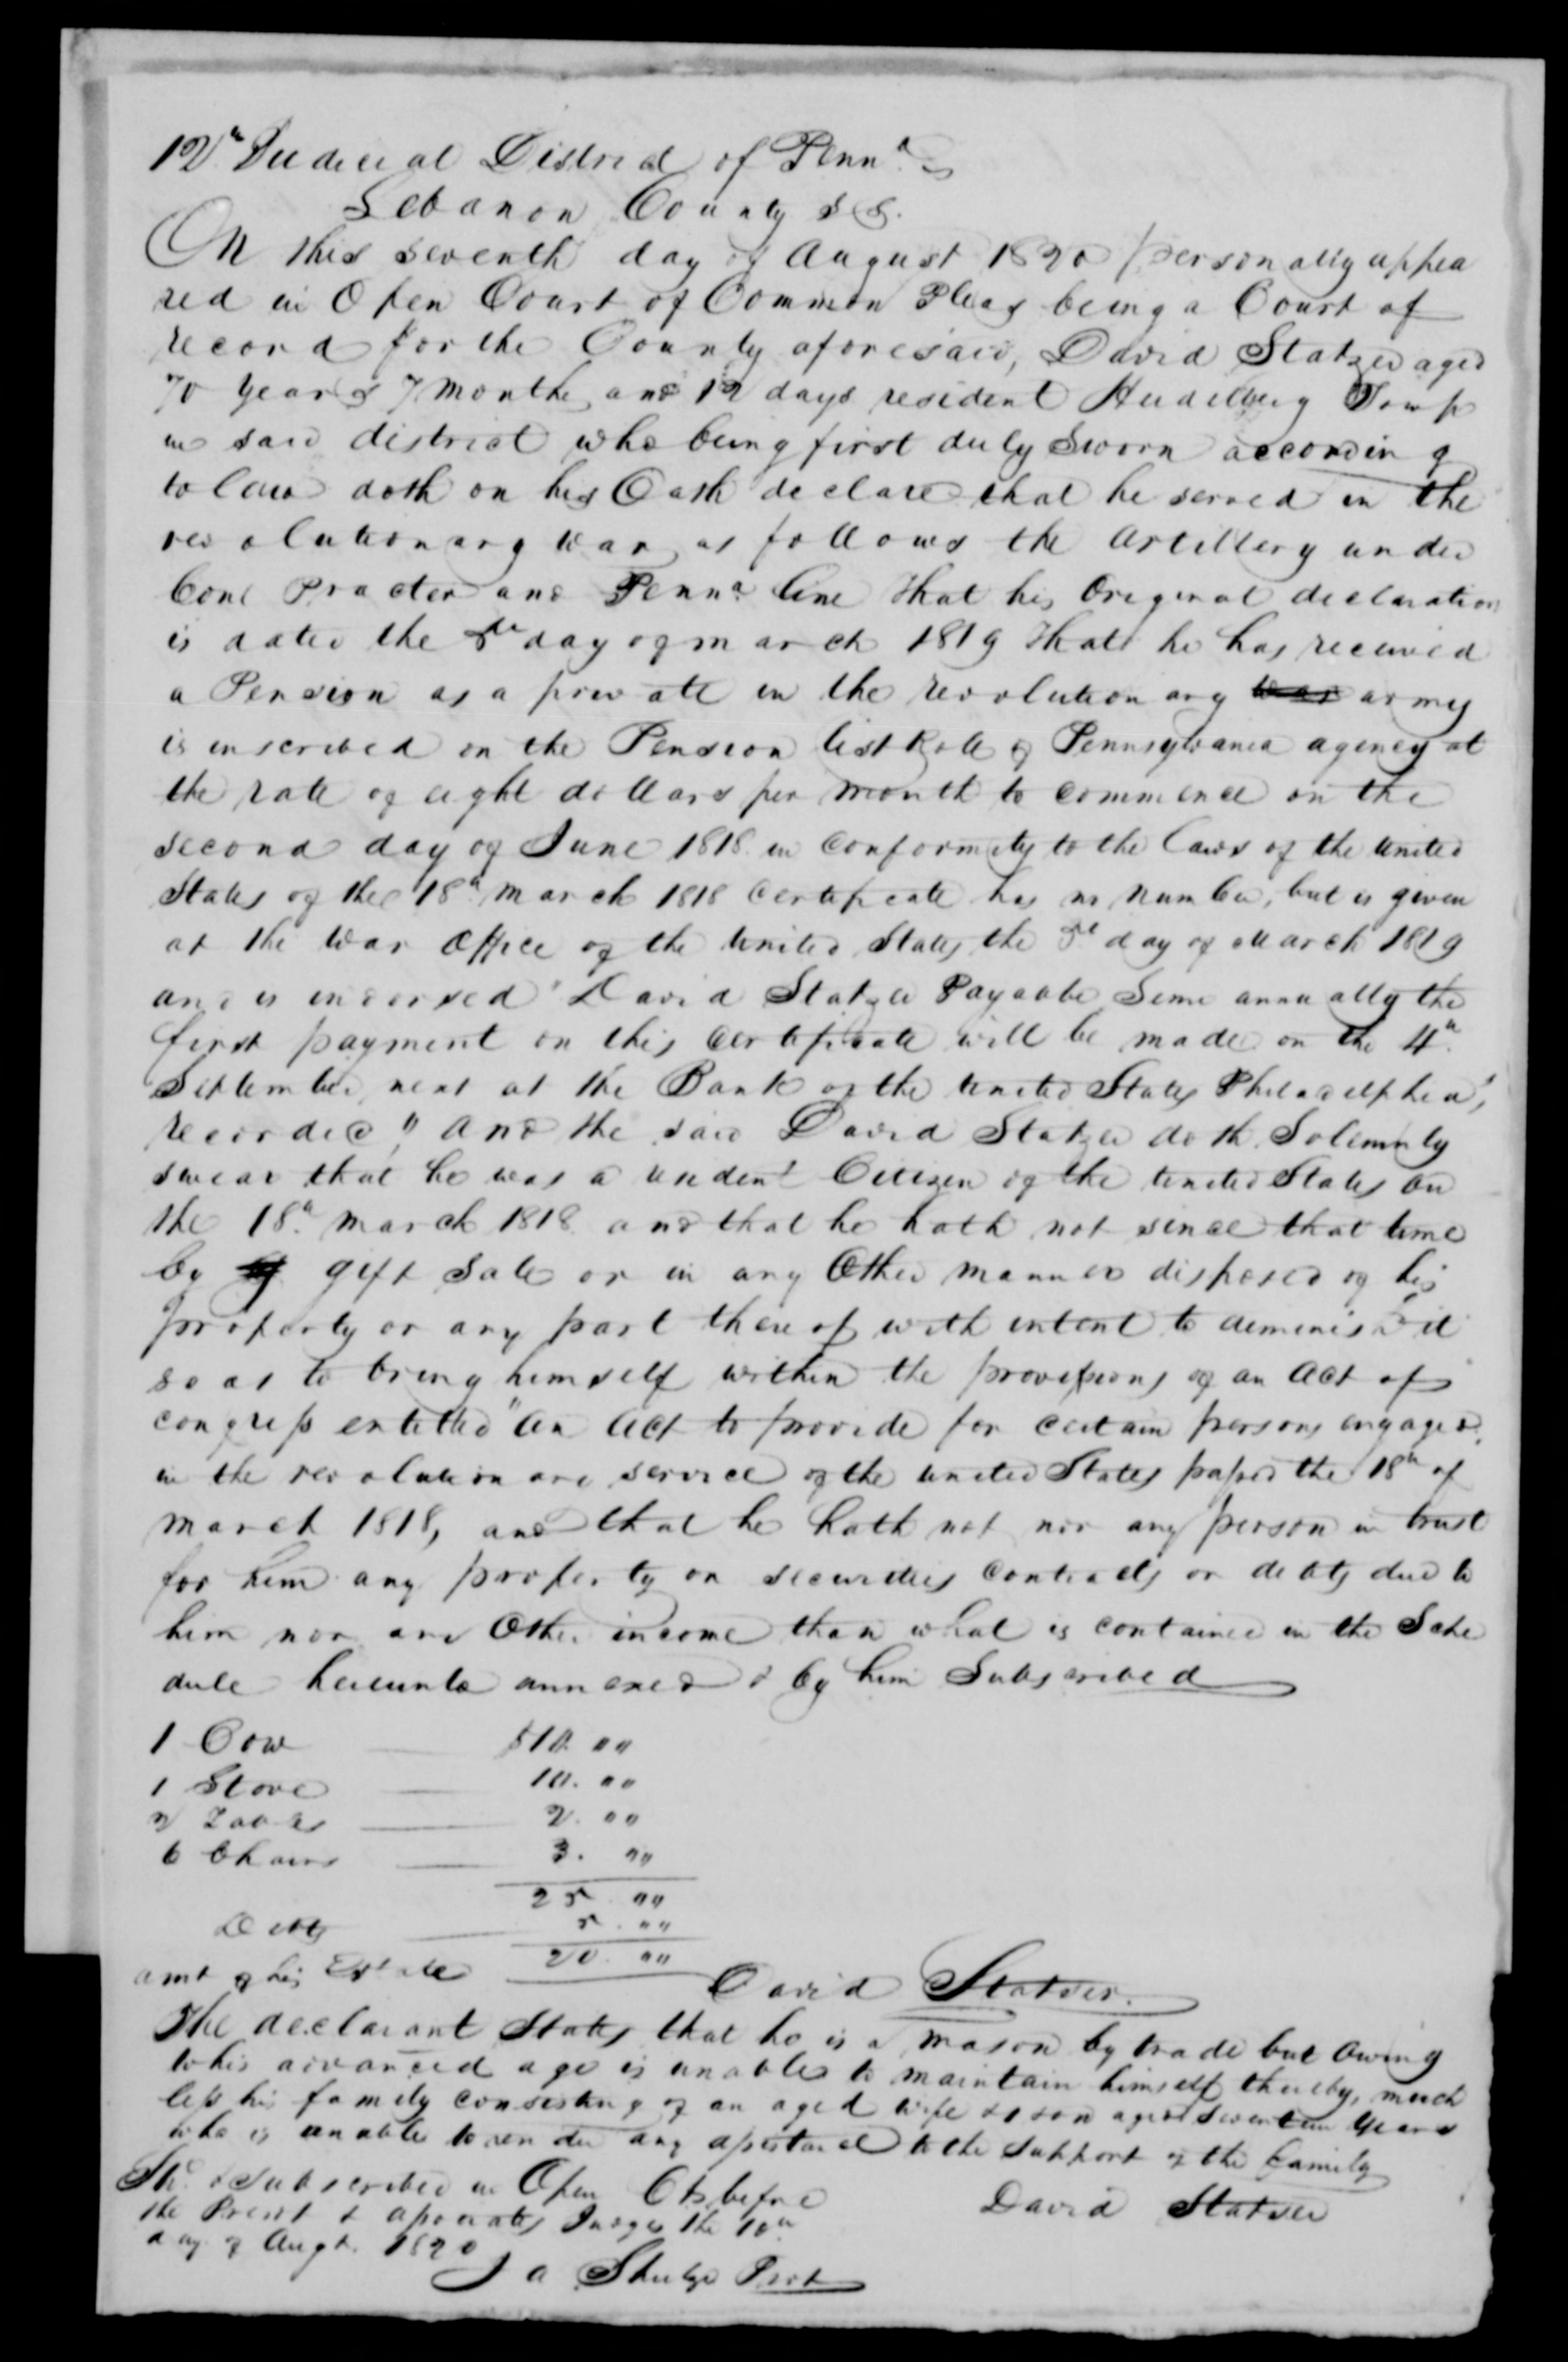12th Judicial District of Penna.
Lebanon County, SS.
On this seventh day of August 1820, personally appeared in Open Court of Common Pleas, being a Court of record for the County aforesaid, David Statser, aged 70 years 7 months and 12 days, resident Hudelberg Township in said district, who being first duly sworn according to law doth on his Oath declare that he served in the revolutionary war as follows: the Artillery under Commander Procter and Penna. line that his original declaration is dated the 8th day of March 1819, that he has received a Pension as a private in the revolutionary army as inscribed on the Pension list Roll of Pennsylvania agency at the rate of eight dollars per month to commence on the second day of June 1818 in conformity to the laws of the United States of the 18th March 1818, Certificate has no number, but is given at the War Office of the United States the 5th day of March 1819 and is inscribed "David Statser Payable semi-annually the first payment on this certificate will be made on the 4th September next at the Bank of he United States, Philadelphia, recorded," and the said David Statser doth solemnly swear that he was a resident Citizen of the United States on the 18th March 1818 and that he hath not since that time by gift sale or in any other manner disposed of his property or any part thereof with intent to diminish it so as to bring himself within the provisions of an act of congress entitled "an Act to provide for certain persons engaged in the revolutionary service of the United States" passed the 18th of March 1818, and that he hath not nor any person in trust for him any property or securities, contracts or debts due to him nor any other income than what is contained in the schedule hereunto annexed and by him subscribed.
1 Cow - $10.00
1 Stove - $10.00
2 Tables - $2.00
6 Chairs - $3.00
$25.00
Debts - $5.00
Amount of his Estate - $20.00
David Statser
The declarant states that he is a mason by trade, but owing his advanced age, is unable to maintain himself thereby, much less his family consisting of an aged wife and 1 son aged seventeen years who is unable to render any assistance to the support of the family.
David Statser
Sworn and subscribed in Open Court before the President and associate Judges the 10th day of August 1820.
Jas. Shulze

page: 12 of 28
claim: widow's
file: W. 3163, for David Statser, Pennsylvania